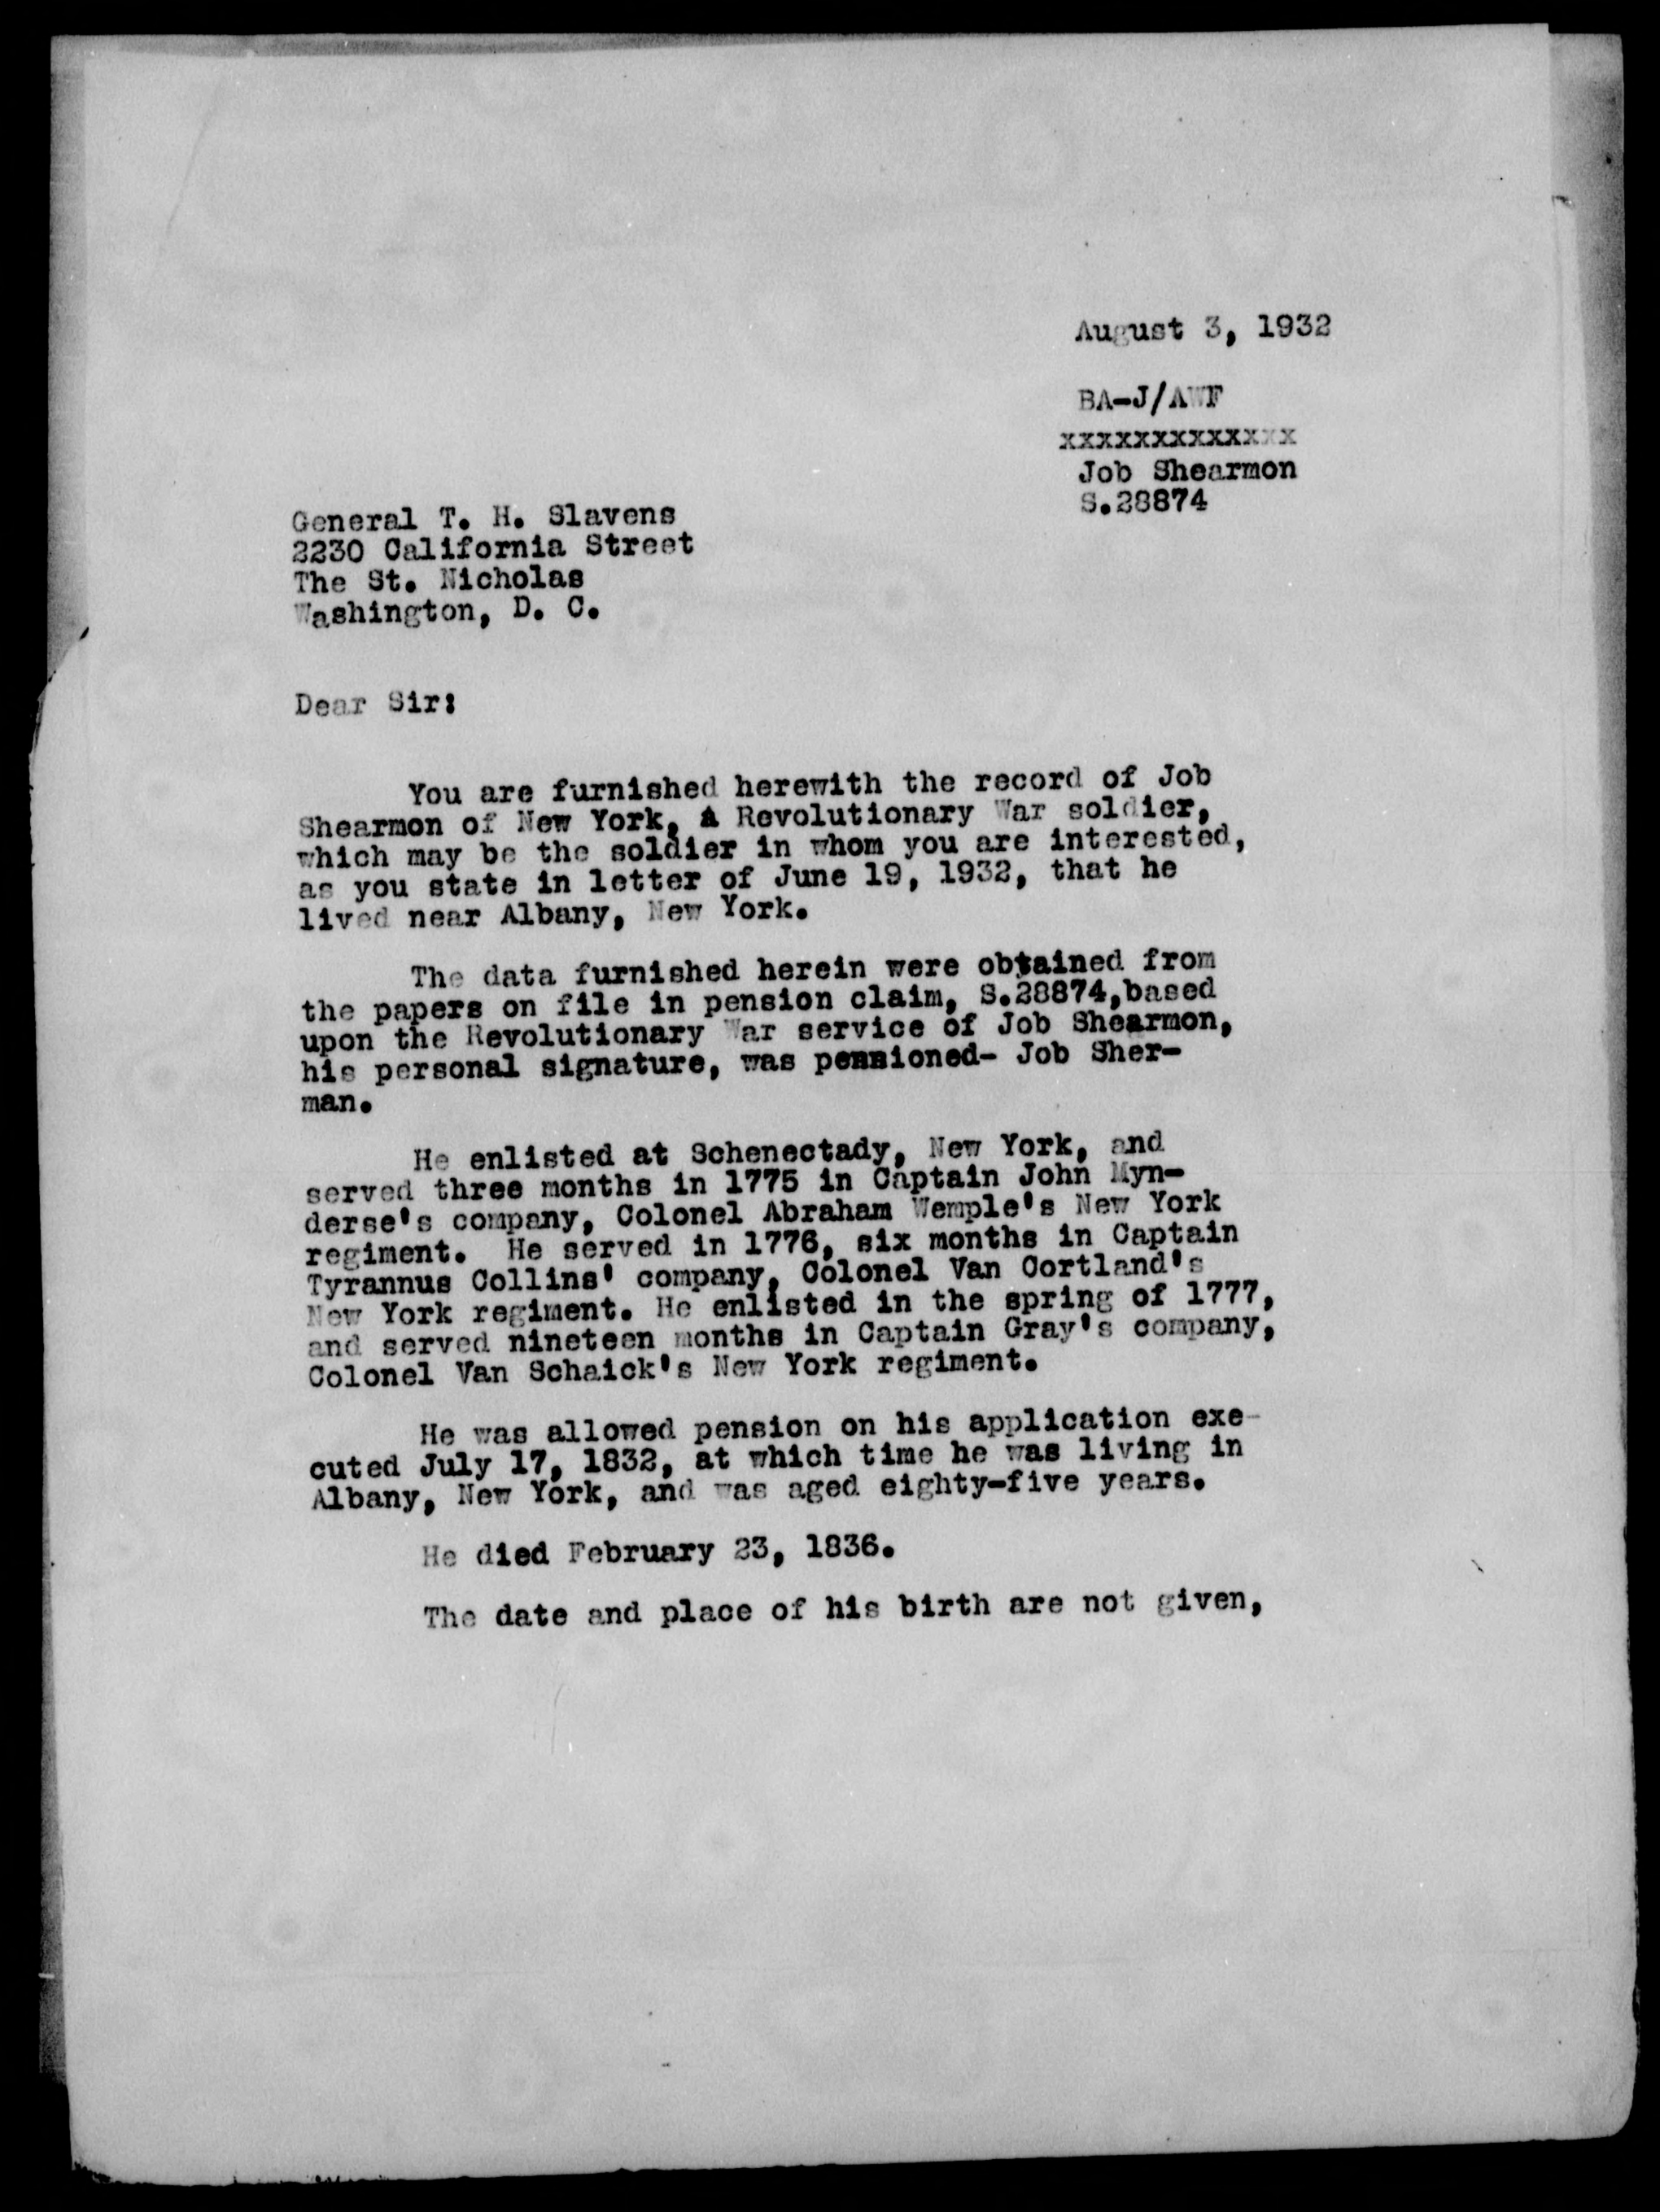[doc is typed]

August 3, 1932
BA-J/AWF
xxxxxx
Job Shearmon
General T. H. Slavens       S.28874
2230 California Street
The St. Nicholas
Washington, D.C.

Dear Sir:
You are furnished herewith the record of Job
Shearmon of New York, a Revolutionary War soldier,
which may be the soldier in whom you are interested,
as you state in letter of June 19, 1932, that he
lived near Albany, New York.

The data furnished herein were obtained from
the papers on file in pension claim, S.28874 based
upon the Revolutionary War service of Job Shearmon,
his personal signature, was pensioned-Job Sher-
man.

He enlisted at Schenectady, New York, and
served three months in 1775 in Captain John Myn-
derse's company, Colonel Abraham Wemple's New York
regiment. He served in  1776, six months in Captain
Tyrannus Collins' company, Colonel Van Cortland's
New York regiment. He enlisted in the spring of 1777,
and served nineteen months in Captain Gray's company,
Colonel Van Schaick's New York regiment.

He was allowed pension on his application exe-
cuted July 17, 1832, at which time he was living in
Albany, New York, and was aged eighty-five years.

He died February 23, 1836.

The date and place of his birth are not given,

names: Job Shearmon; Job Sherman; Job Shearmon; T H Slavens; Job Shearman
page: 5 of 10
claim: survivor's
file: S. 28,874, for Job Shearmon, New York